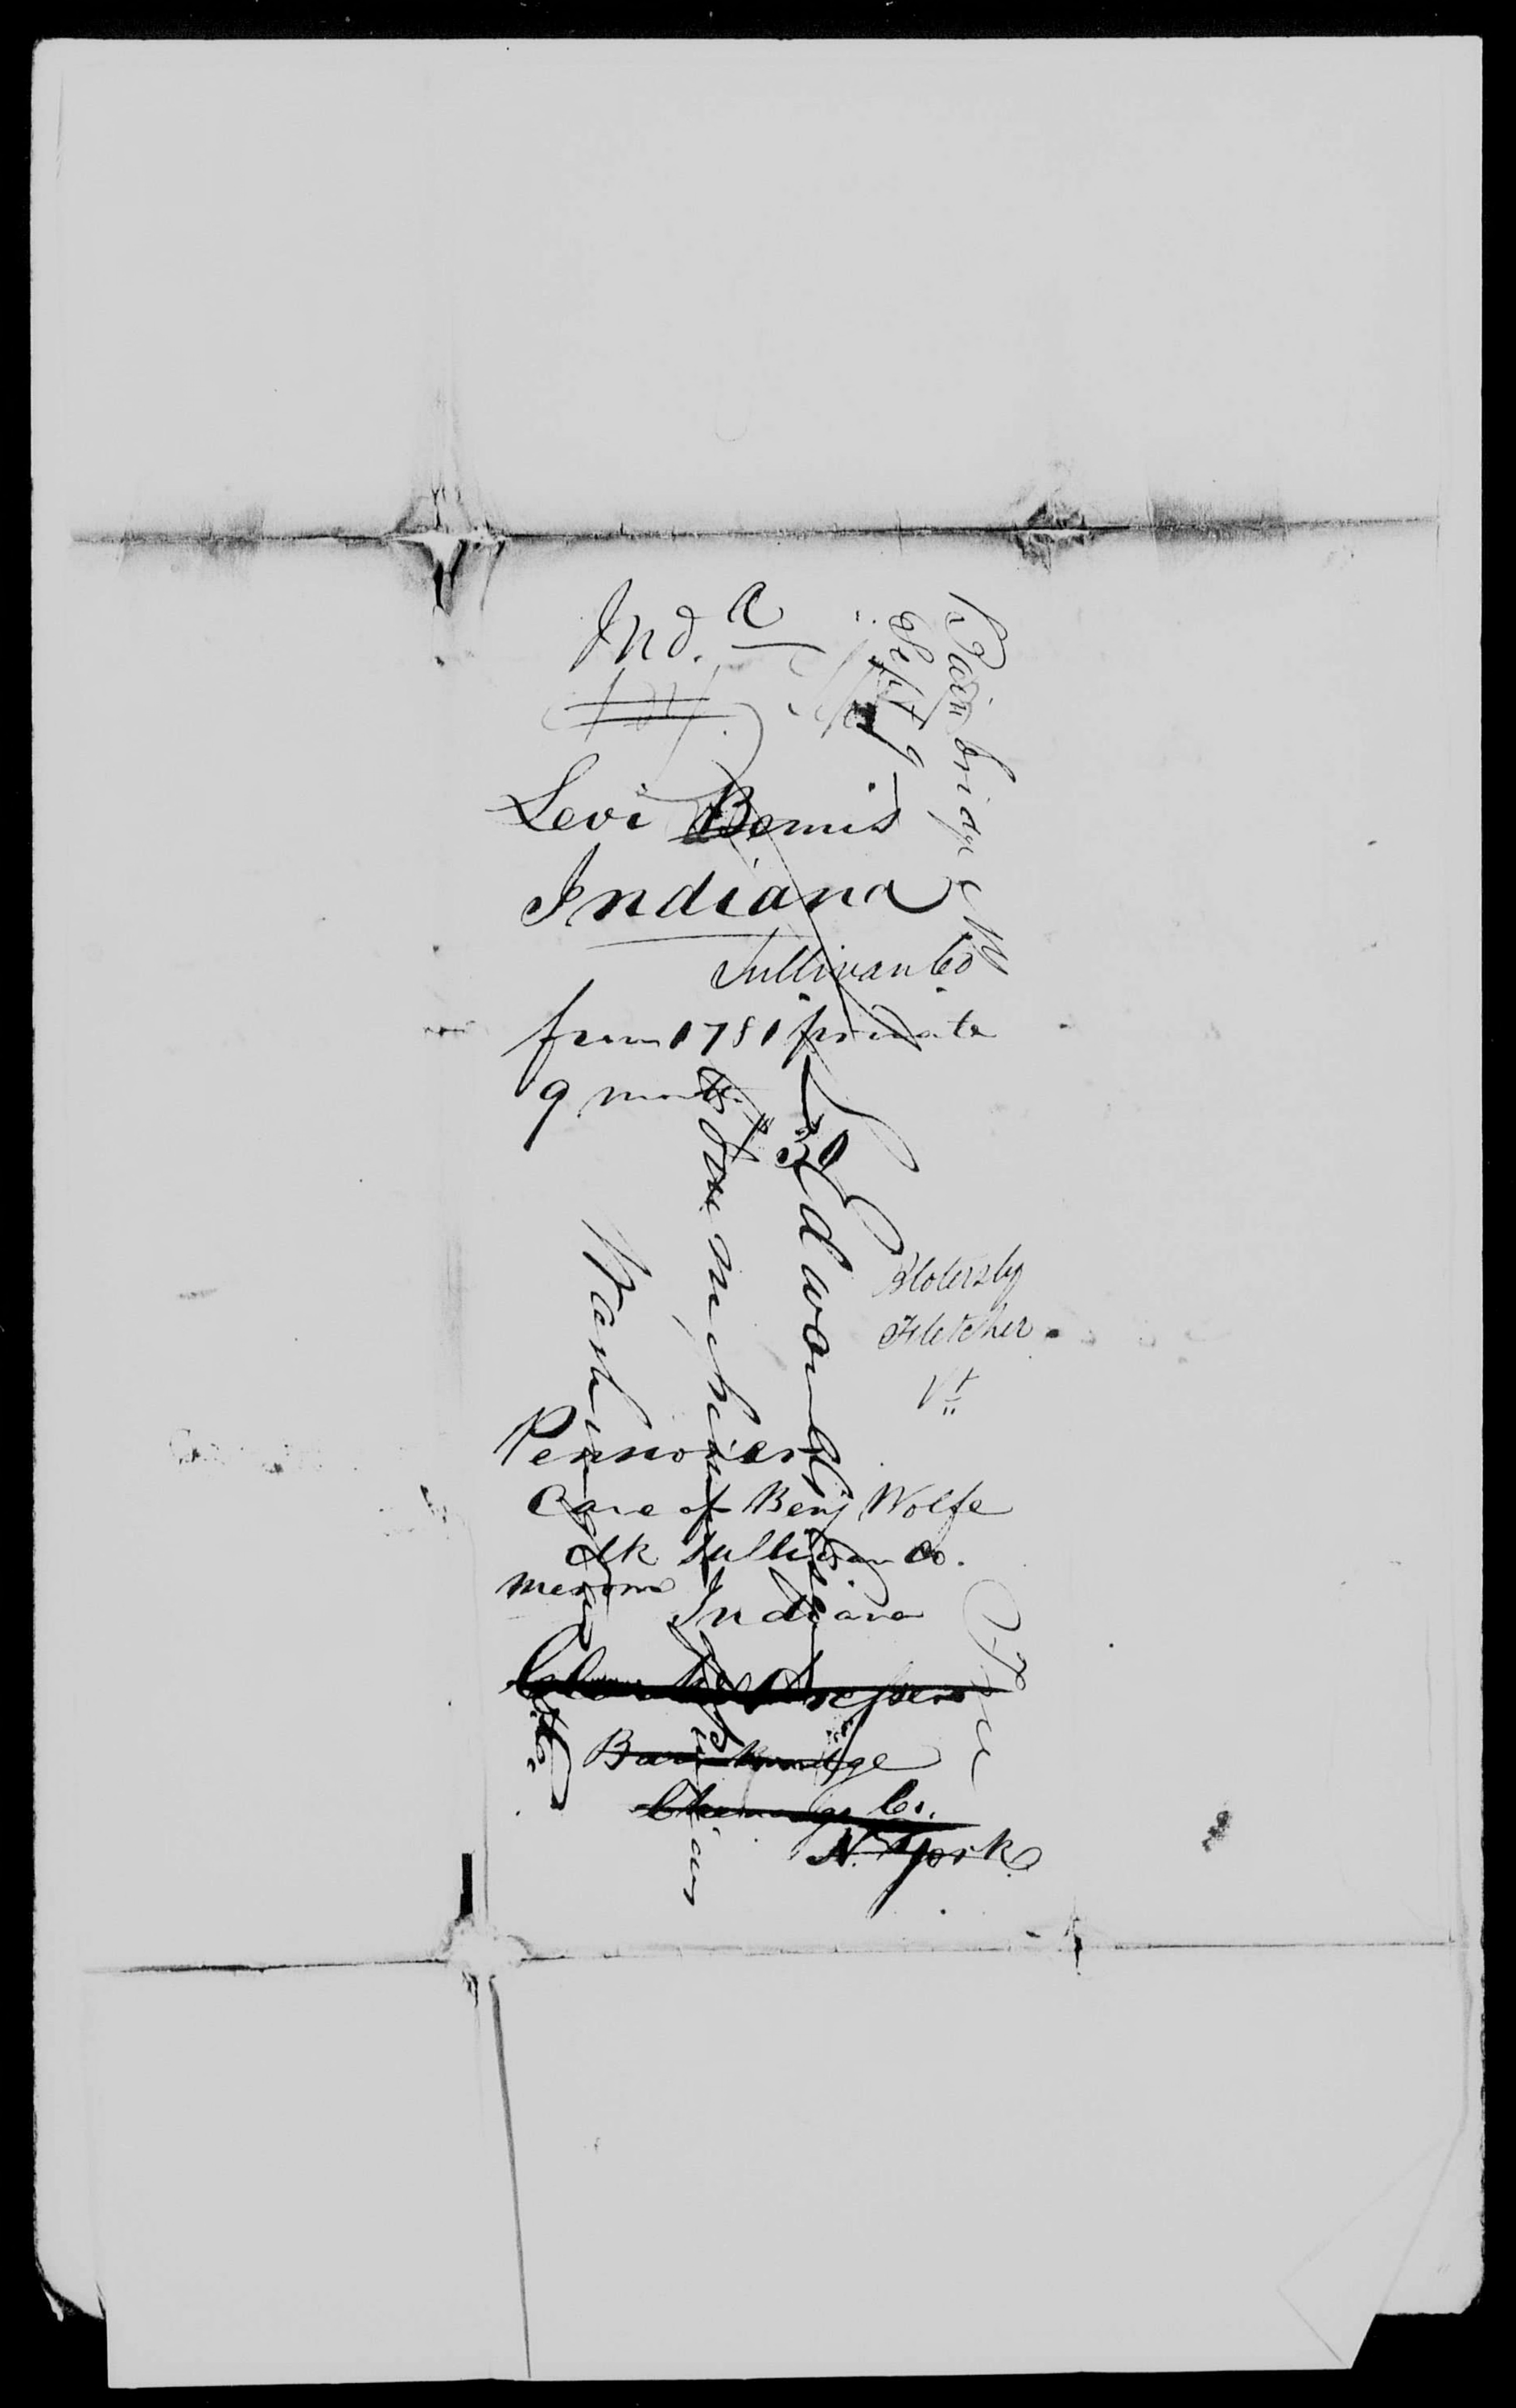[addressed envelope]
Bainbridge NY
Sept 9 
Free
J. L. Edwards Esqr
Commissioner of Pensions
Washington D.C.
[margin notes: Ind'a Levi Bemis Indiana Sullivan Co from 1781 private 9 months 
Blakesley Fletcher Vt.
Pensioner care of Benj Wolfe
clk Sullivan Co. Indiana
Clark H Dresser Bainbridge Co. New York]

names: Fletcher, Levi Bemis, Benj Wolfe, J L Edwards, Blolersly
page: 12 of 14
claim: survivor's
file: S. 32116, Levi Bemis, Vt.